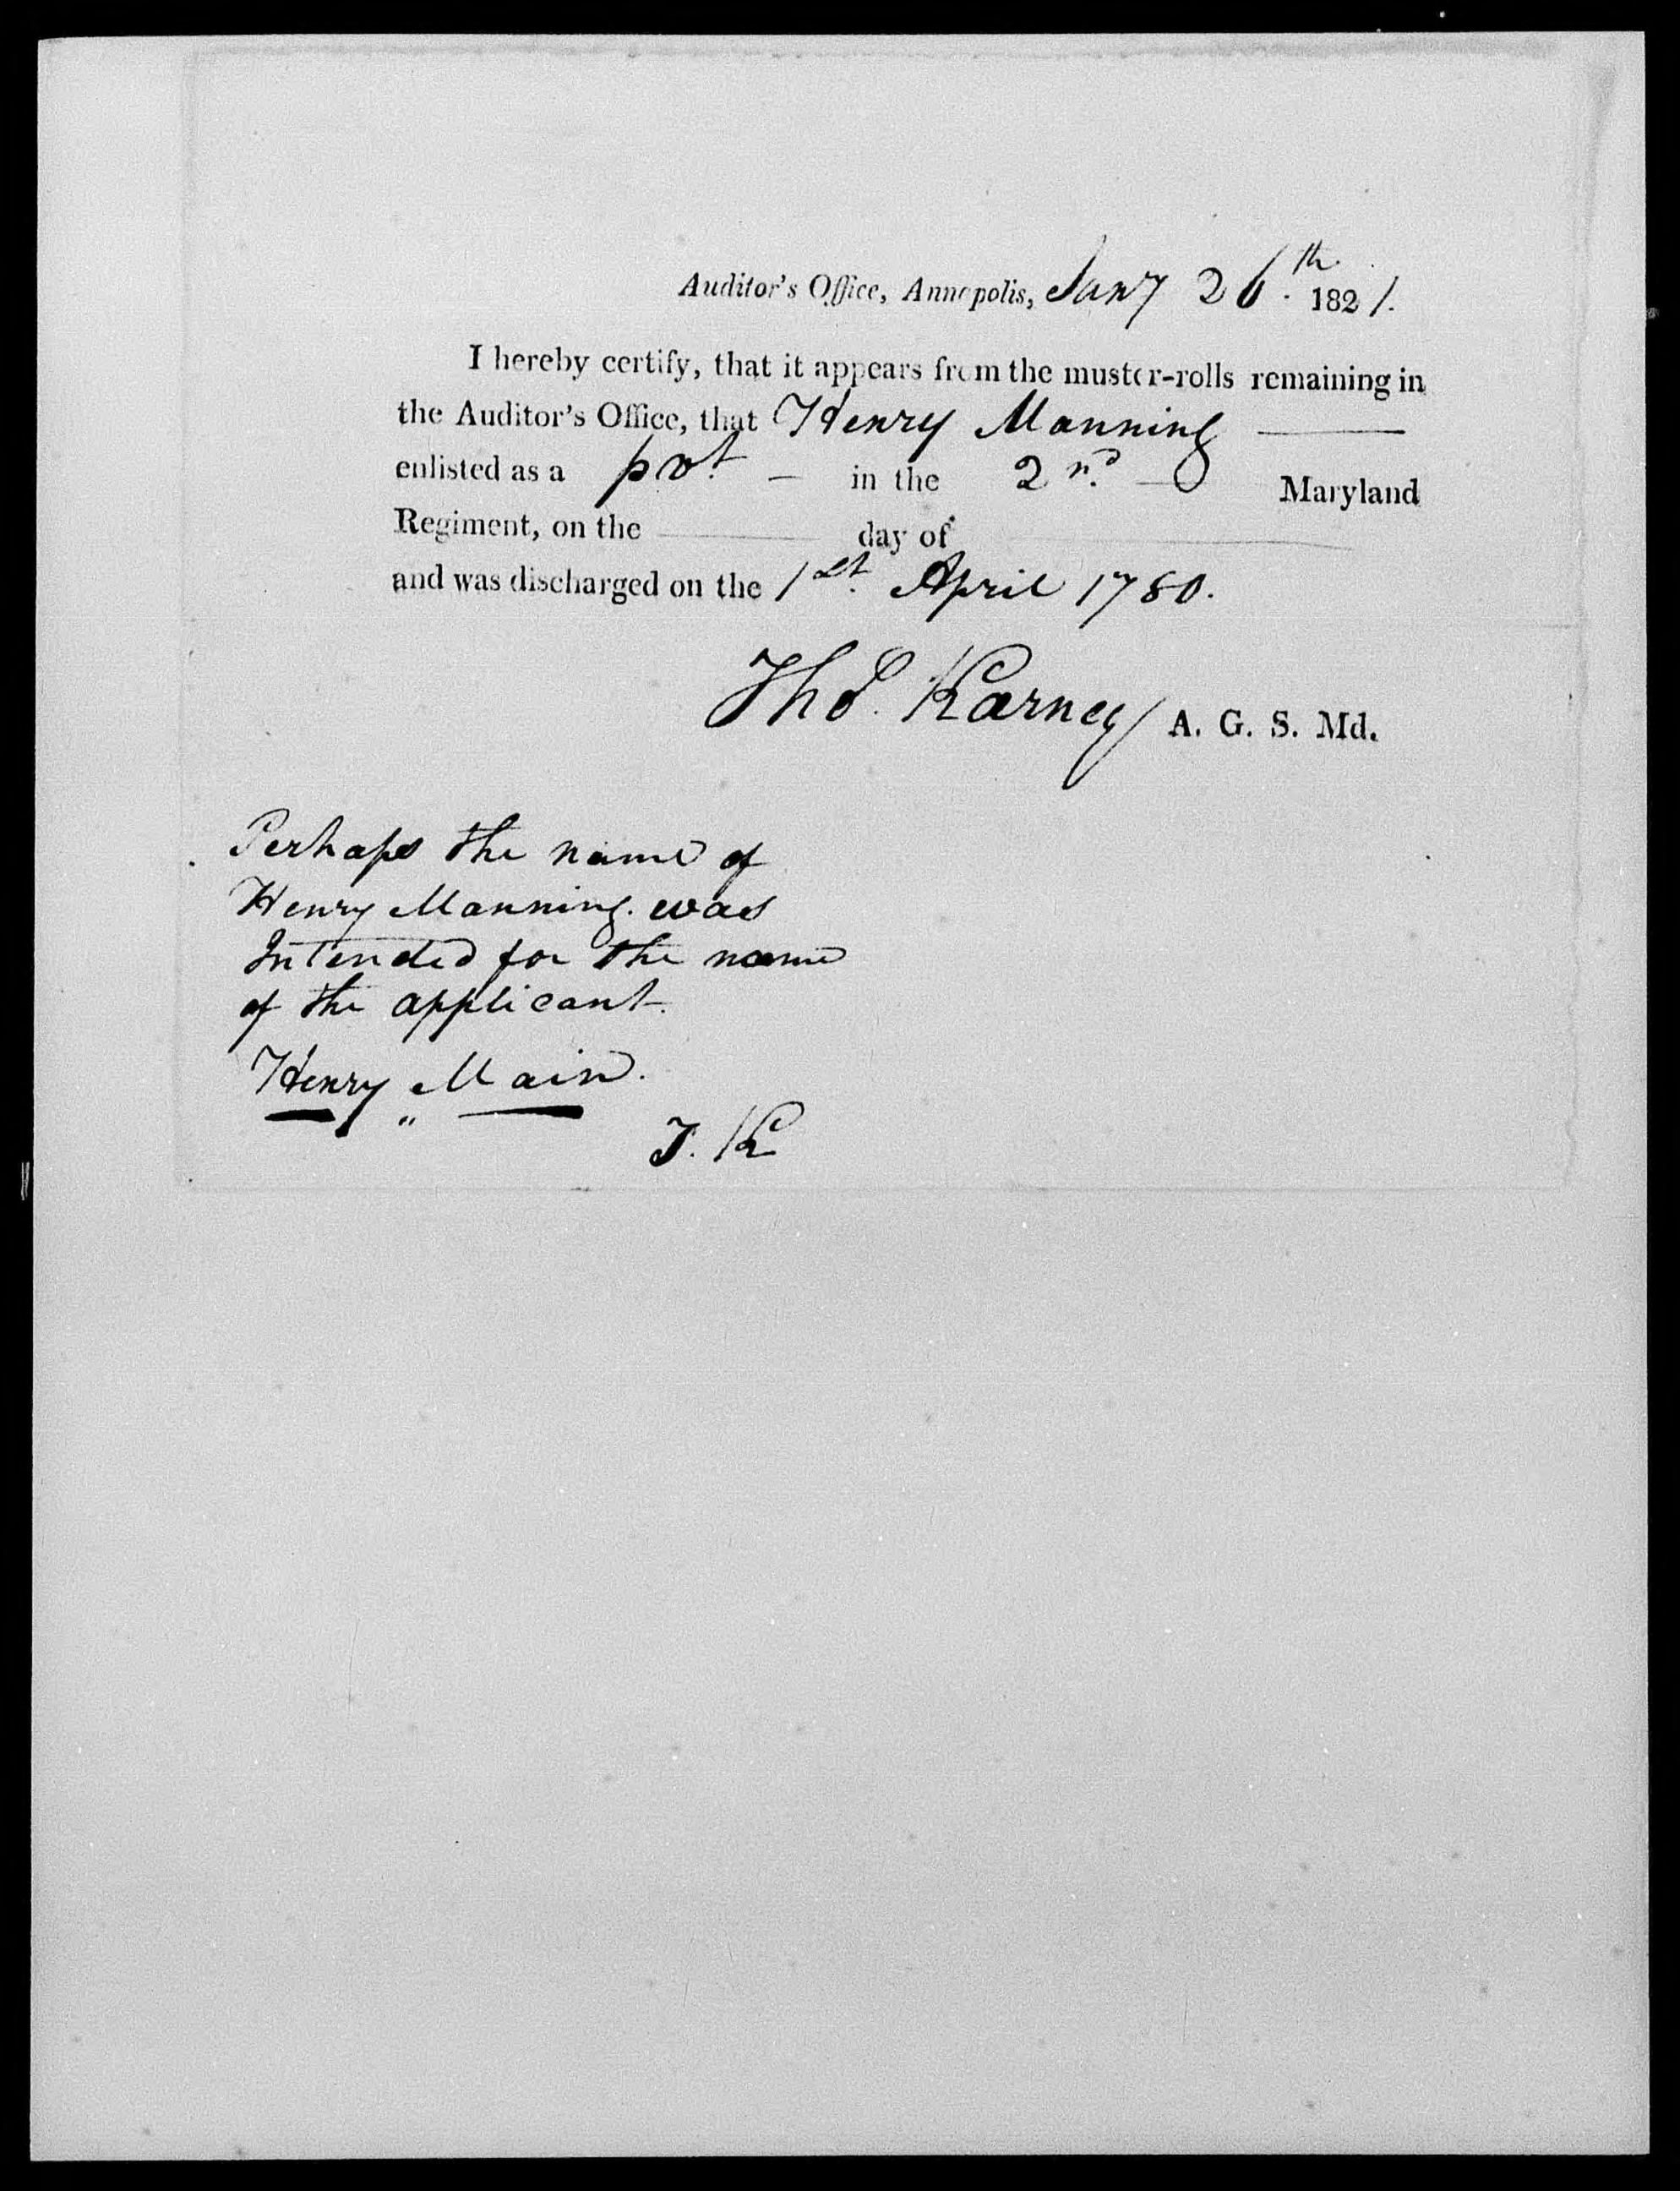Auditor's Office Annapolis, Jany 26th 1821.
I hereby certify, that it appears from the muster-rolls remaining in
the Auditor's Office, that Henry Manning-
---
enlisted as a prvt in the
2nd Maryland
Regiment, on the [   ]
day of [  ]
and was discharged on the 1st April 1780
Thos Karney A.G. S. Md.
Perhaps the name of
Henry Manning was
Intended for the name of
the applicant.
Henry Main
T. K.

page: 12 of 13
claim: survivor's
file: S. 41806, for Henry Main, Maryland